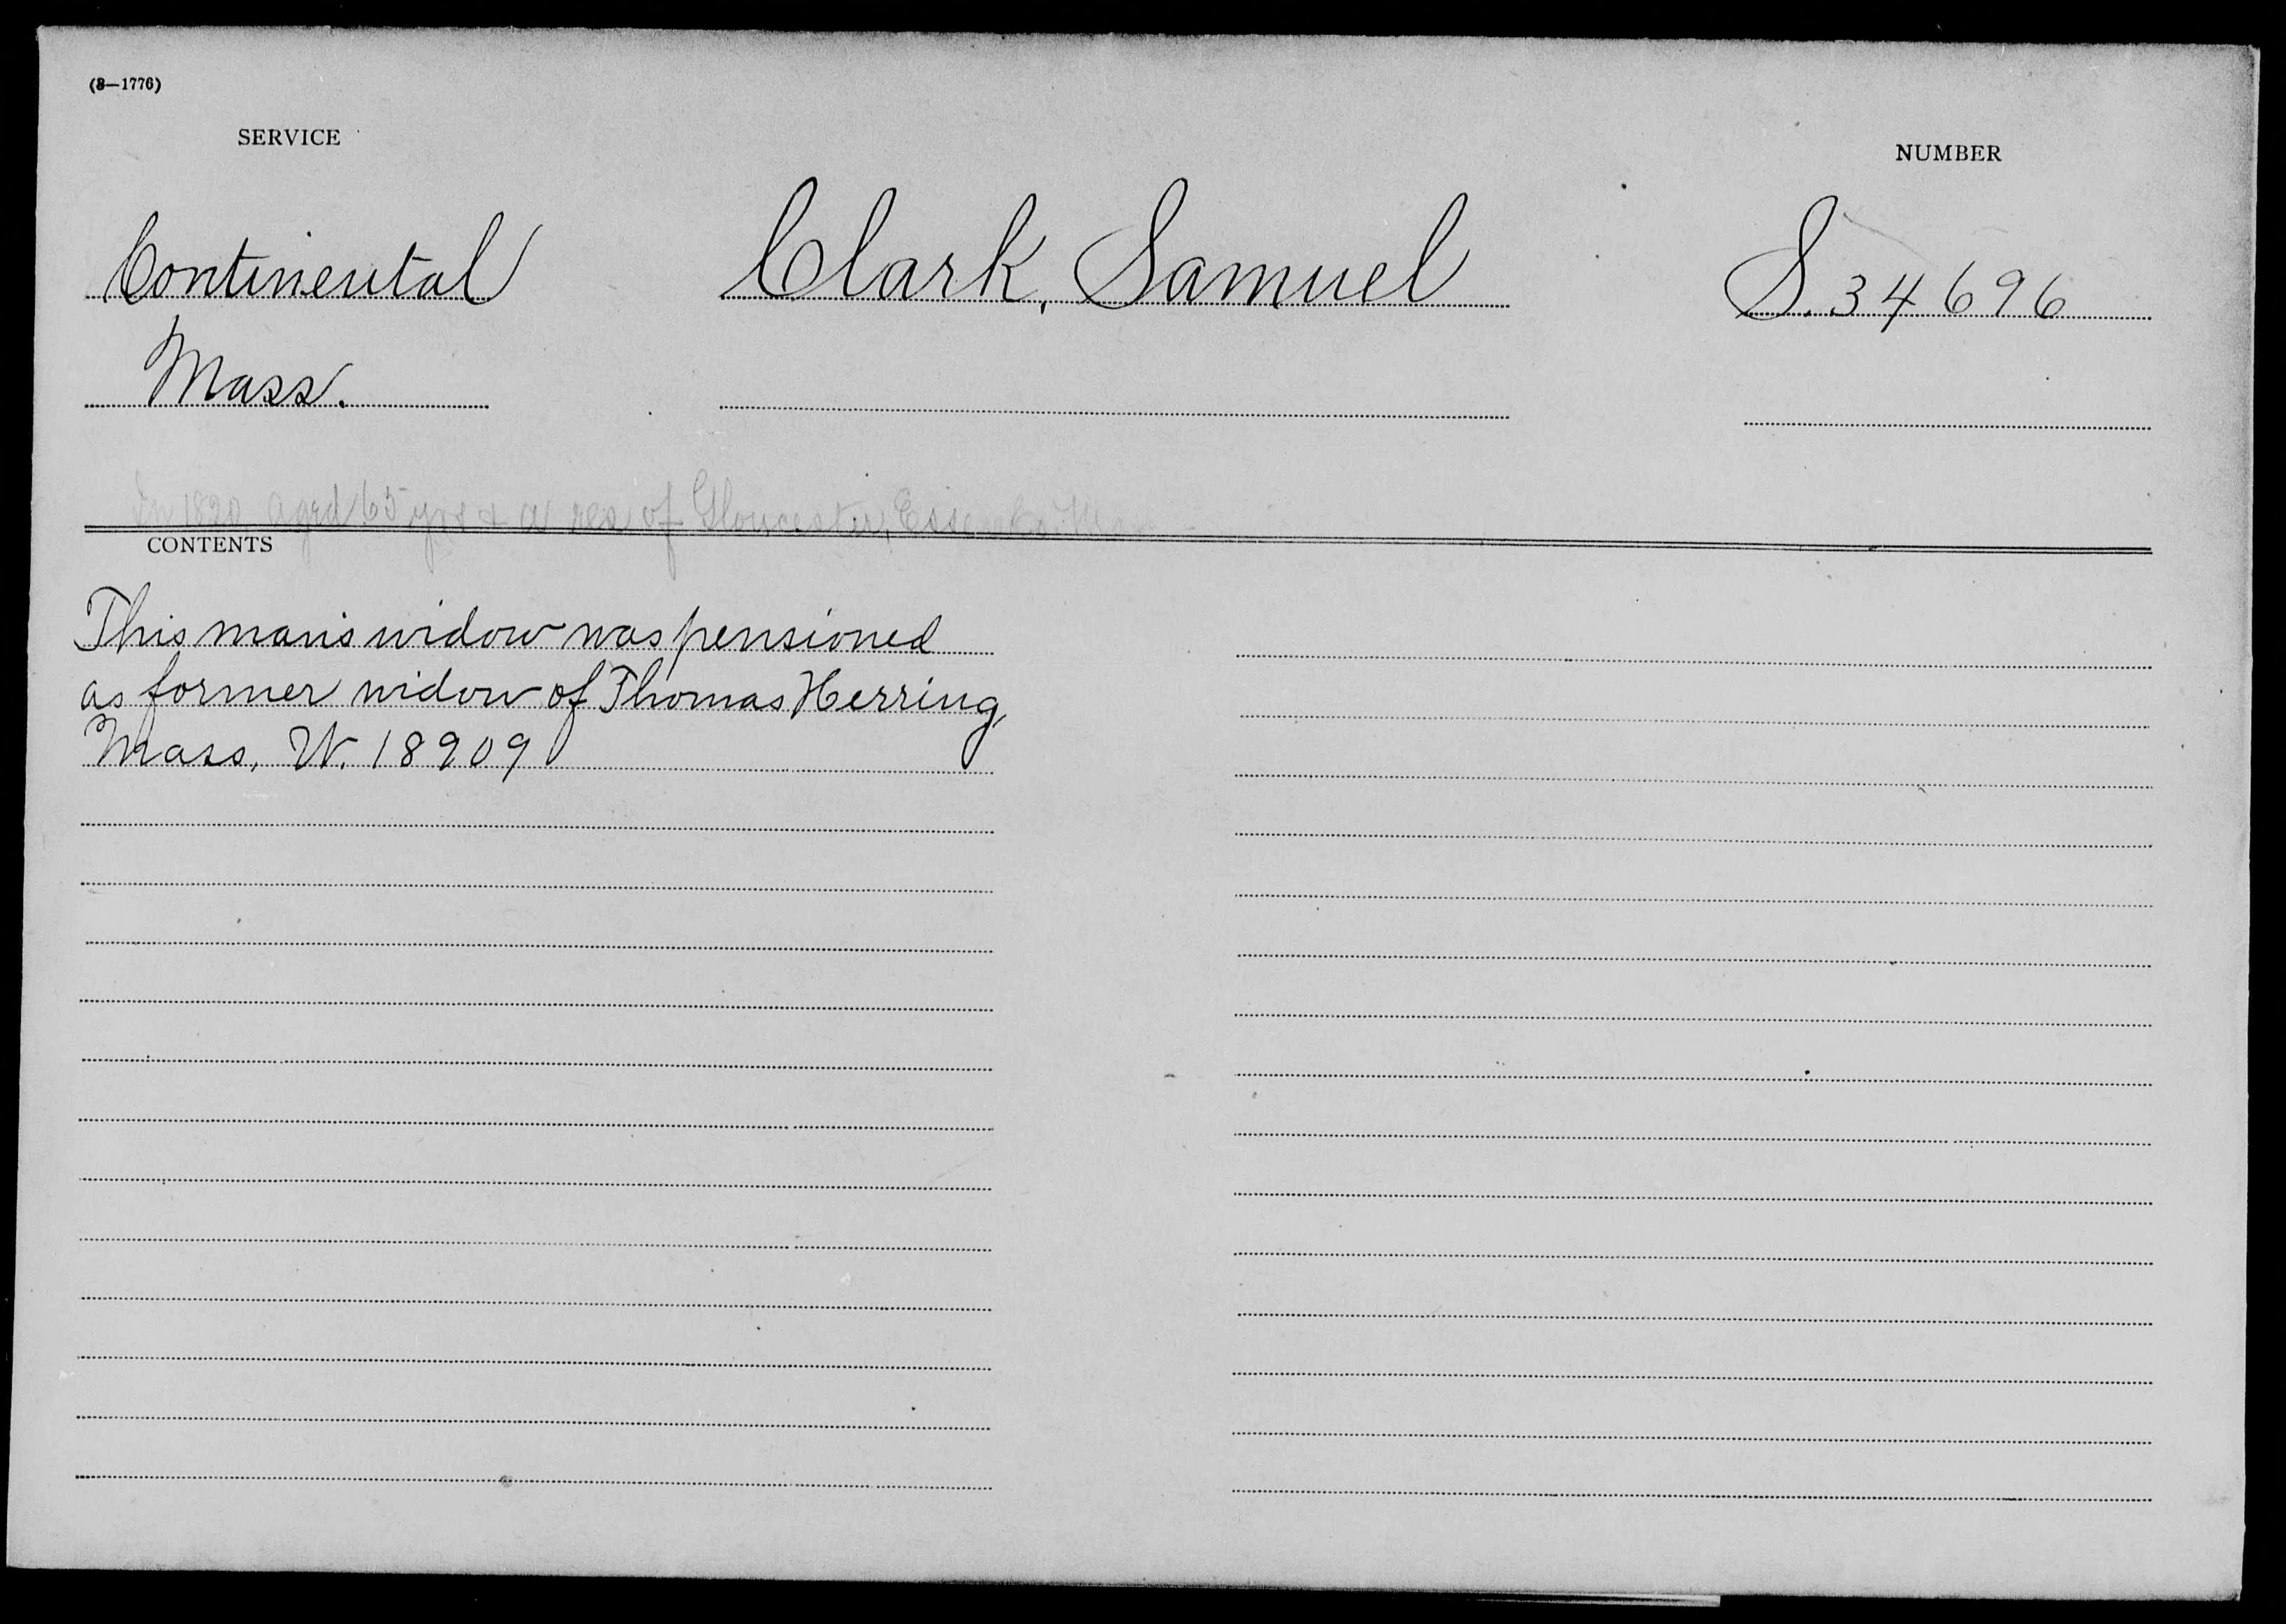Service 
Continental 
Clark, Samuel
Number
S34696
Mass.

Contents
This man's widow was pensioned as former widow of Thomas Herring
Mass. W 18909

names: Thomas Herring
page: 1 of 14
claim: survivor's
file: S. 34696, Samuel Clark, Continental Mass.